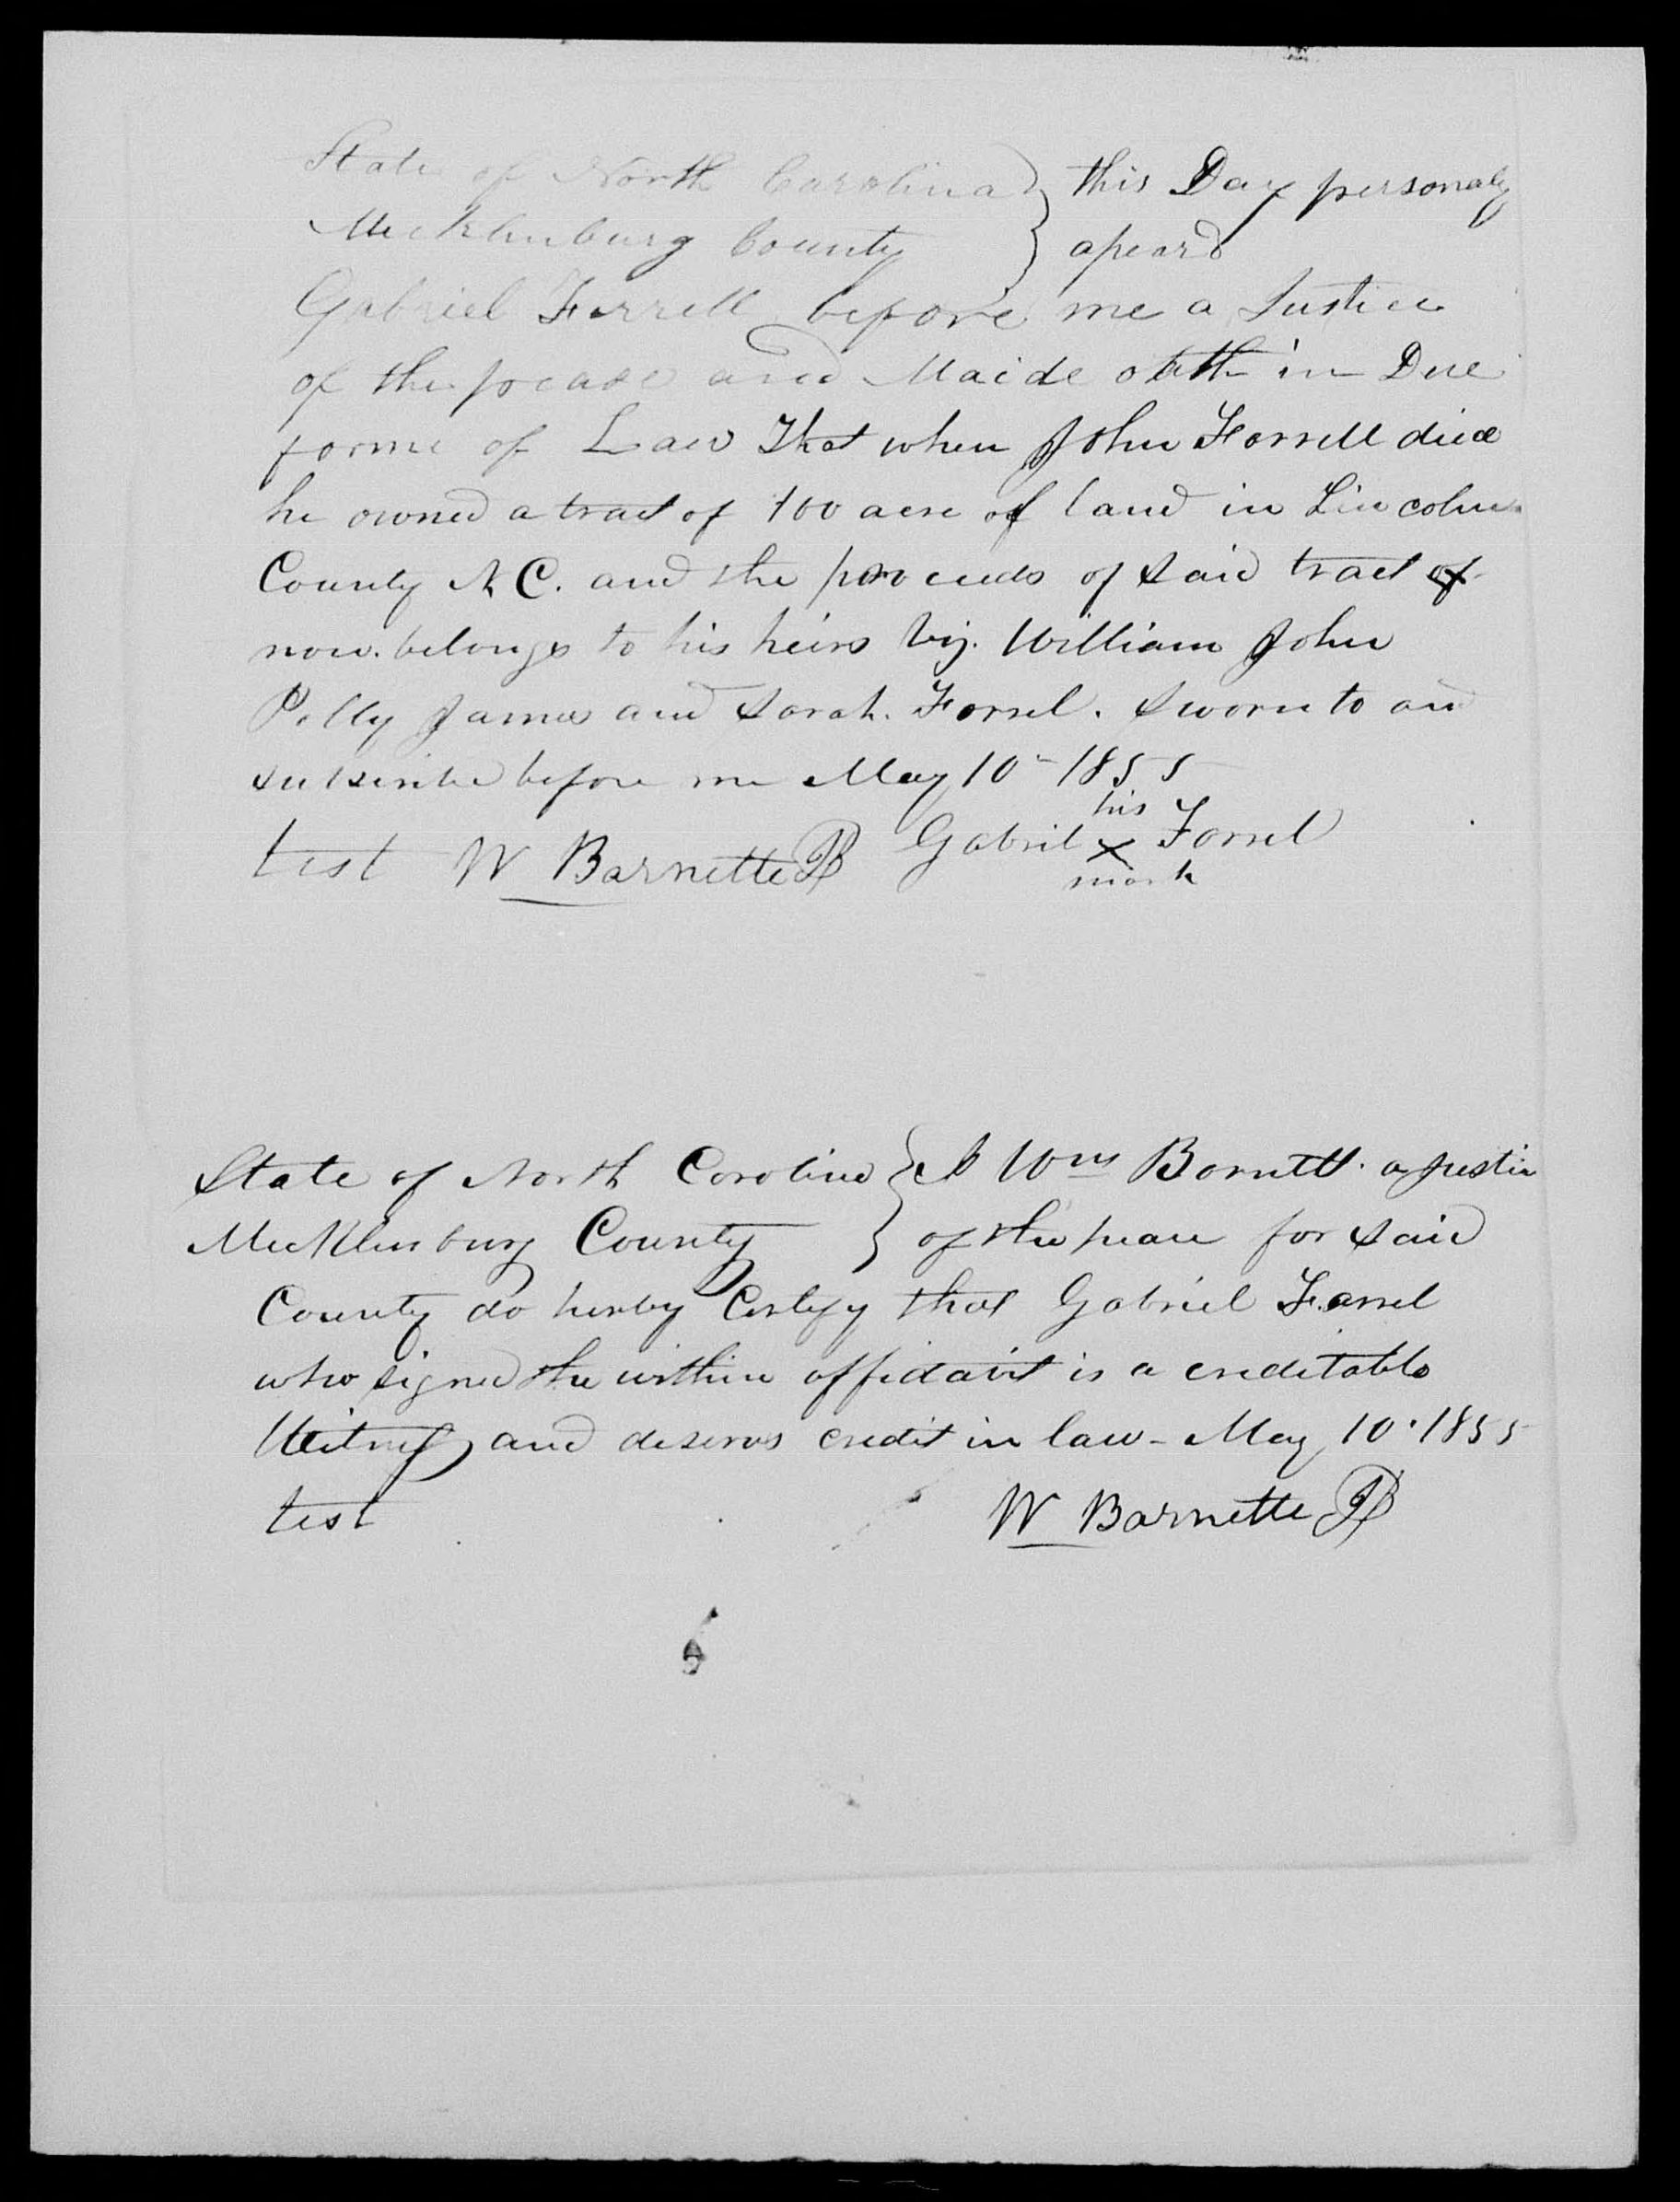State of North Carolina
Mecklenburg County
This Day personally appear
Gabriel Ferrell before me a Justice of the peace and maide other in Dec. for of Law that when John Ferrell died he owned a trac of 100 acre of land in Lincoln County NC and the proceeds of said tract of now belongs to his heirs by William Joh Polly James and Sarah Ferrell. Sworn to and subscribed before me May 10, 1855.
test W. Barnette JB Gabriel Ferrell his mark
State of North Carolina 
Mecklenburg County
Wm. Barnette a justice of the peace foresaid
County do hereby certify that Gabriel Ferrell who signed the within officiant is a creditable :illegible: and deserves credit in law.  May 10, 1855
Test W. Barnette :illegible:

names: Wm Bornett, W Barnette, John Forrel, Gabril Forrel, James Forrel, W Barnette, Sarah Forrel, Gabriel Forrell, Gabriel Farrel, William Forrel, Polly Forrel, John Forrell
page: 40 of 52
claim: rejected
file: R. 3,512, John Ferrell, N.C.